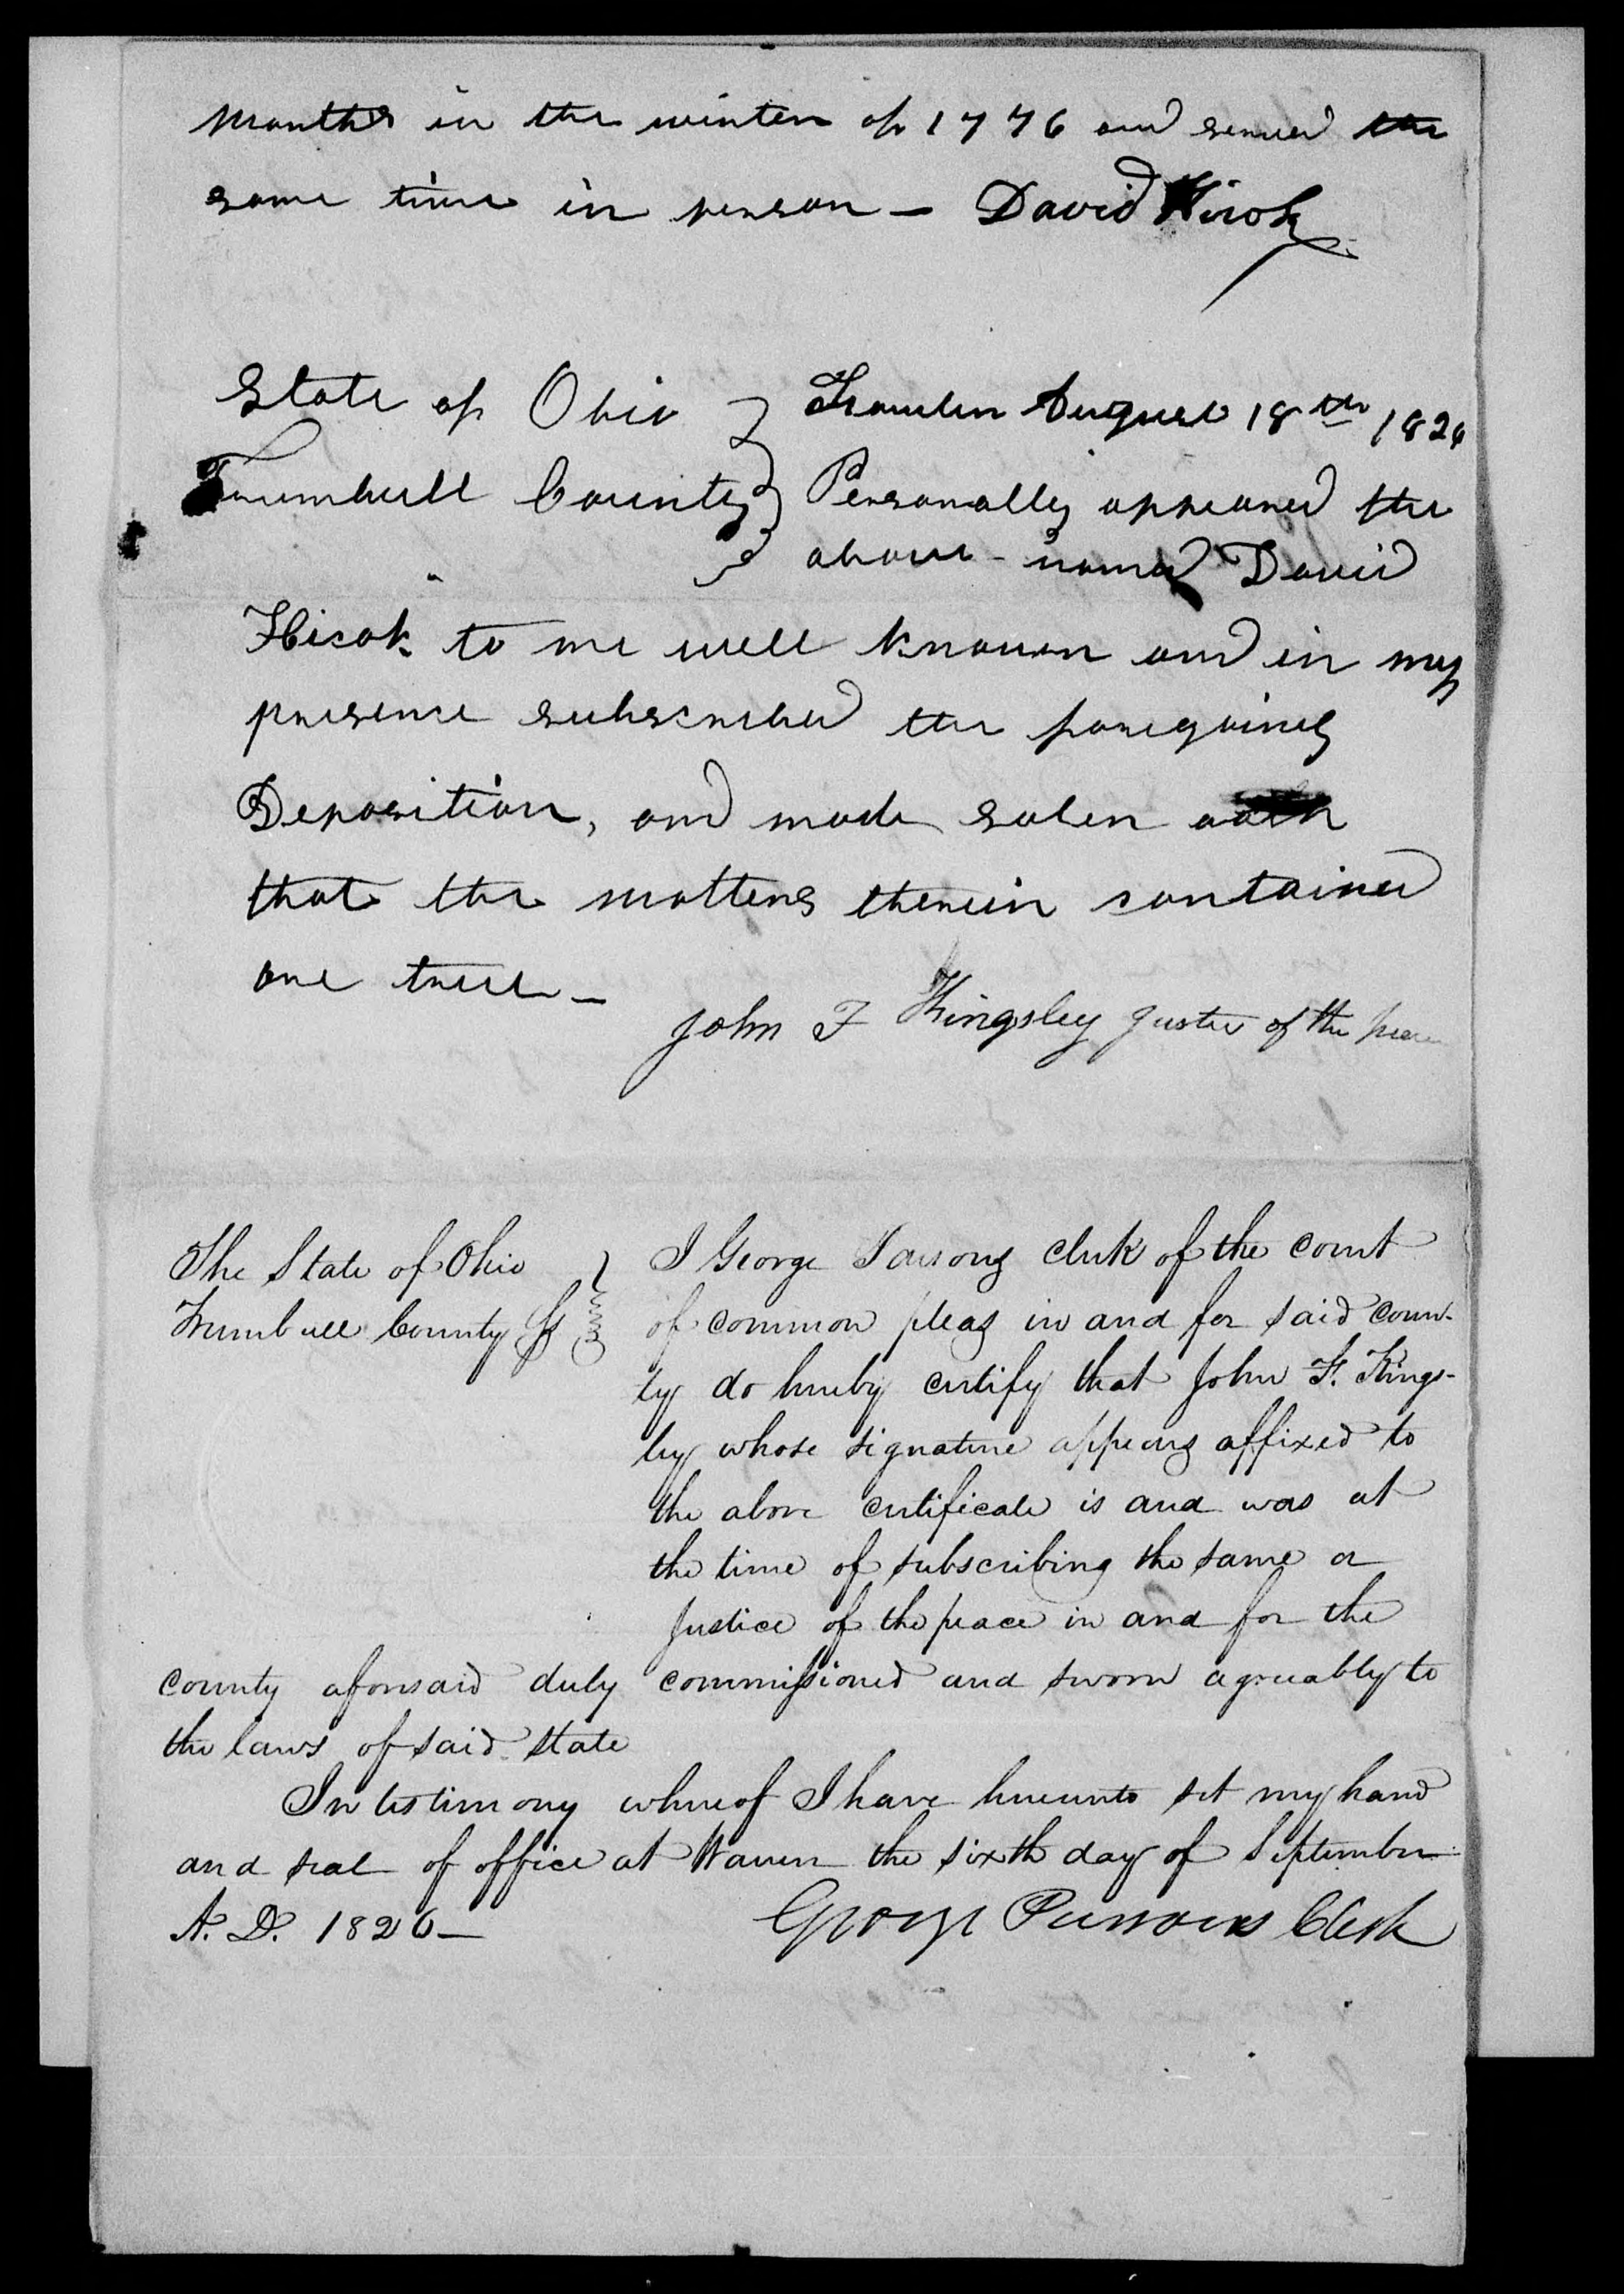months in the winter of 1776 and served the same time in person - David Hicok

State of Ohio     }   Framlen?   August 18th 1826
Trumbull County}   Personally appeared the 
                               above-named David Hicok to me well known and in my presence subscribed the foregoing Deposition, and made solem oath that the matters therein contained are true -
                John F Kingsley Justice of the peace

The State of Ohio }  I George Parsons clerk of 
Trumbull County   } the court of common pleas
                                in and for said county do
                                hereby certify that John F
                                Kingsly whose signature
                                appears affixed to the 
                                above certificate is and 
                                was at the time of sub- 
                                scribing the same as
                                Justice of the peace in and for the county aforesaid duly commissioned and sworn agreeably to the laws of said state.
    In testimony whereof I have hereunto set my hand and seal of office at Warren the sixth day of September A.D. 1826 -
                    George Parsons Clerk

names: John F Kingsley; David Hicok; George Parsons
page: 11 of 20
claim: rejected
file: R. 17029, for Joseph Percy, Connecticut